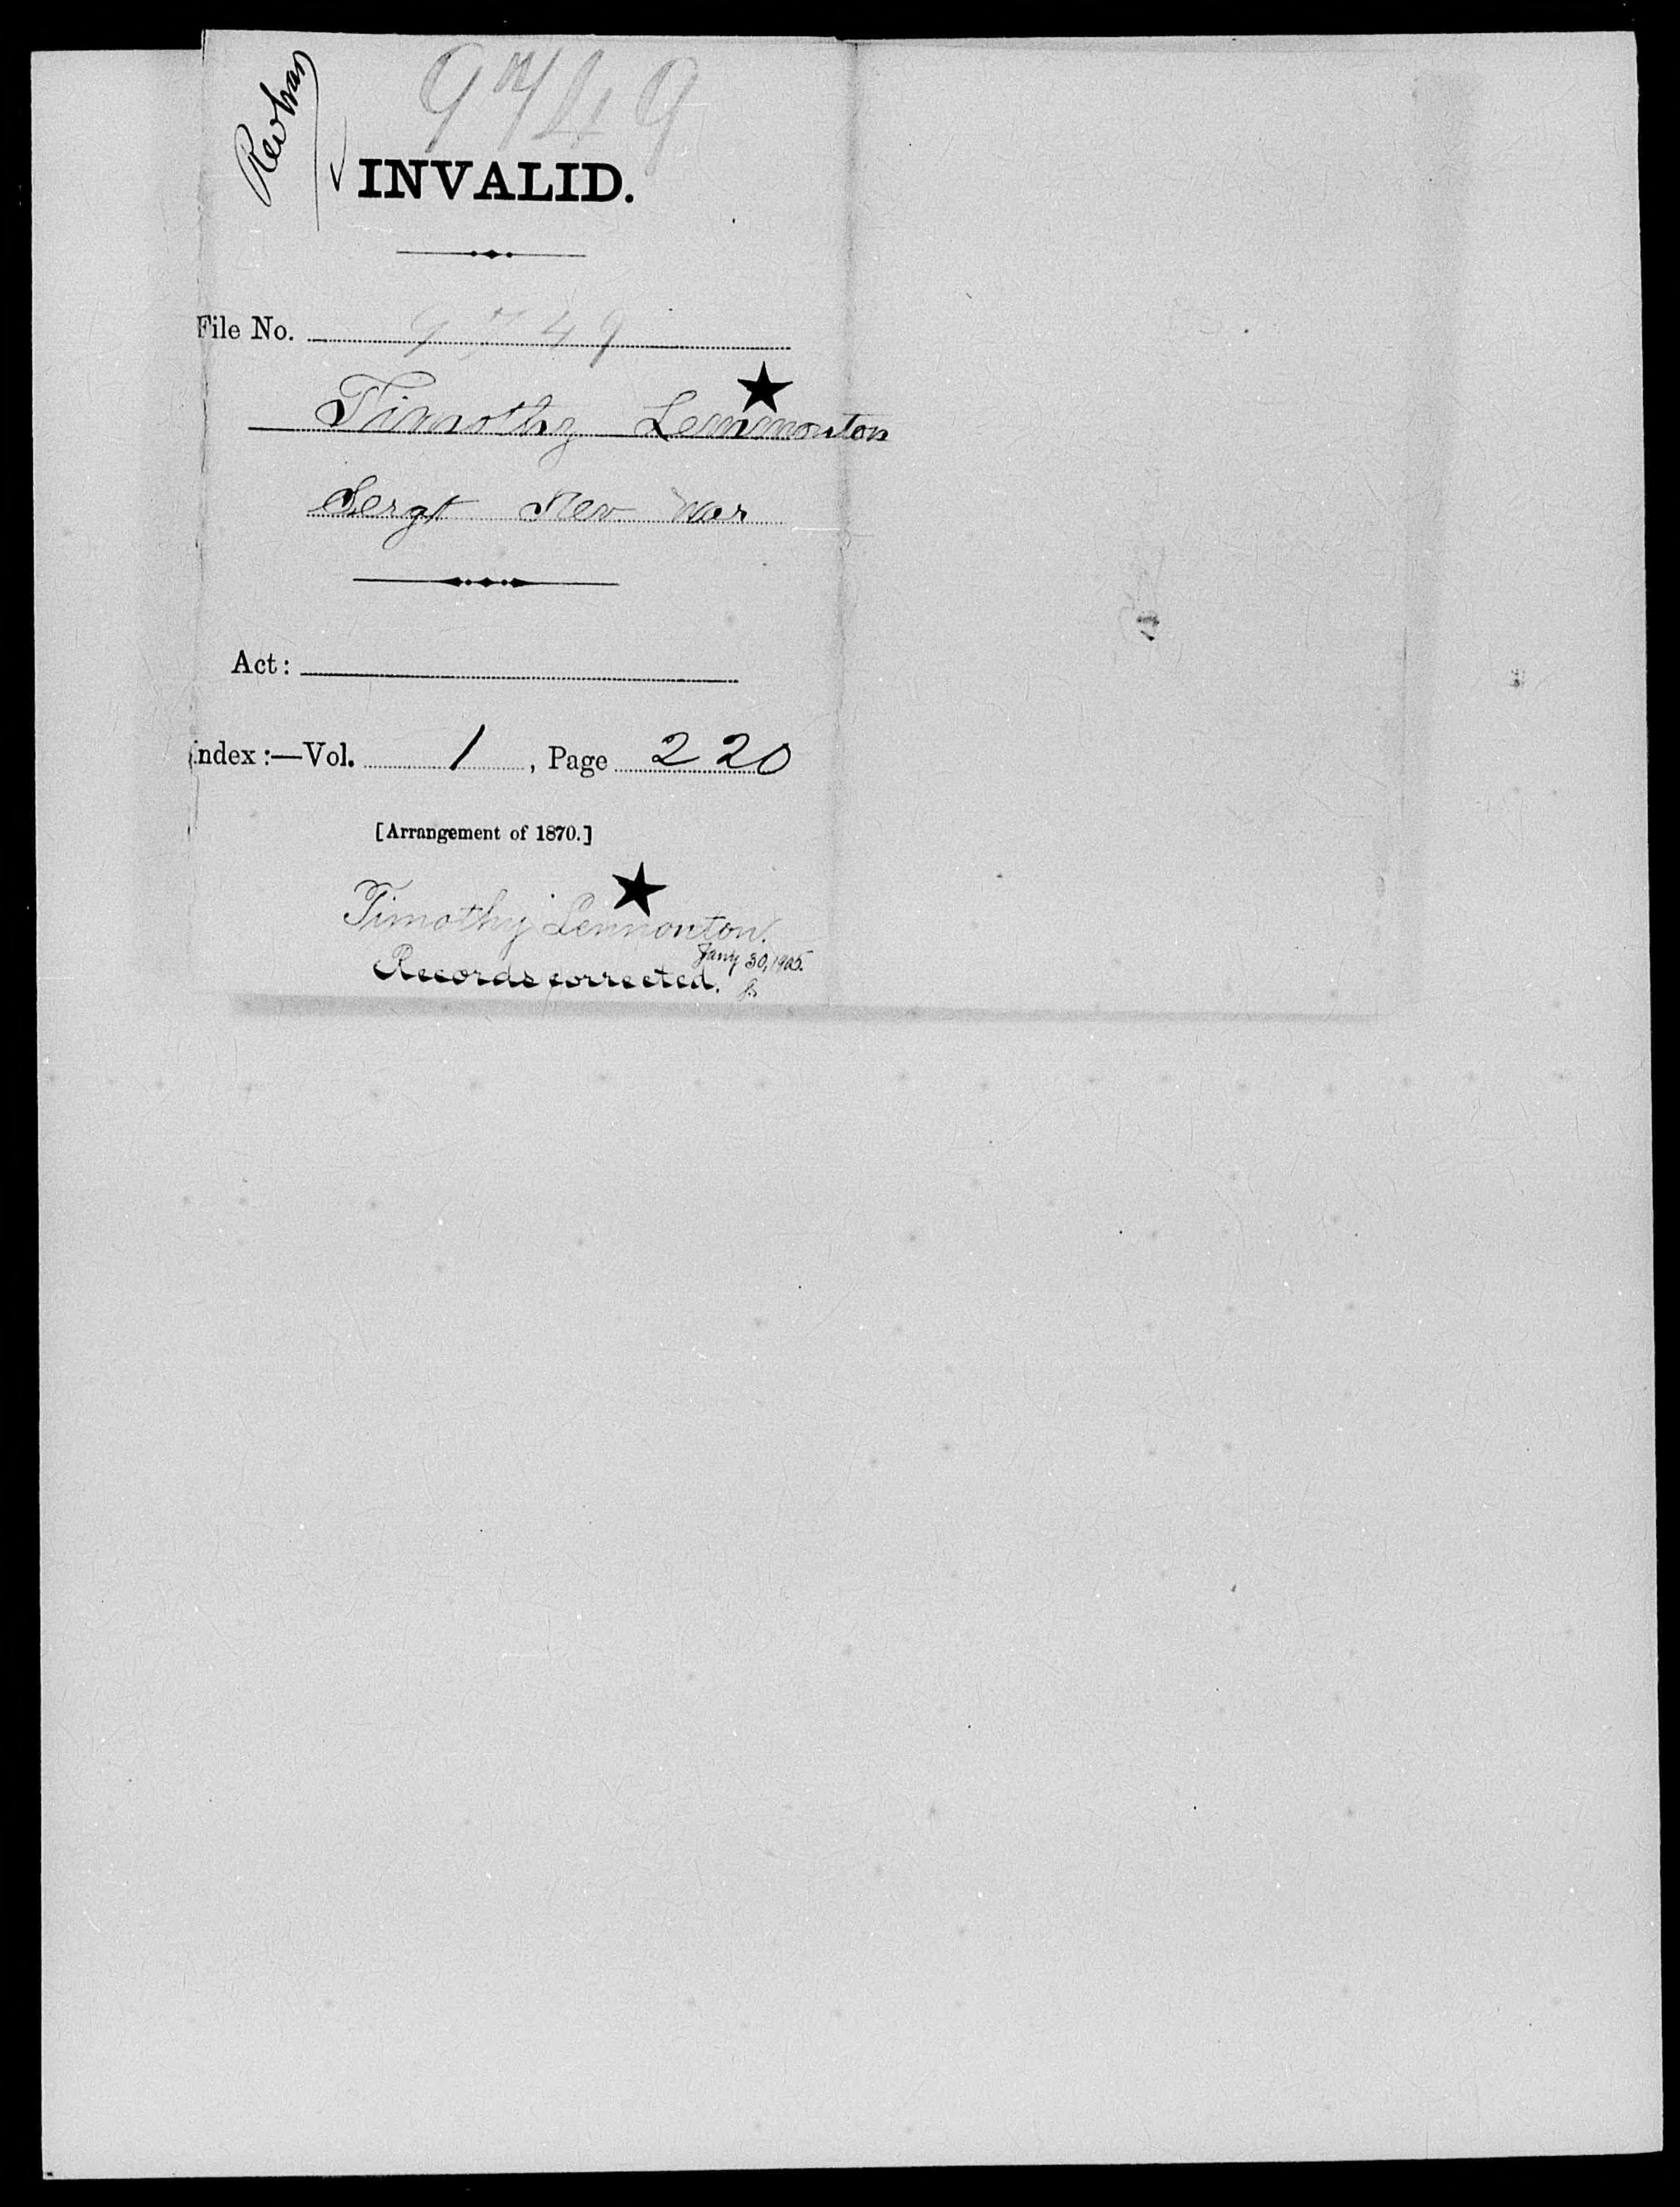9749
Invalid
Revolutionary

File No. 9749
Timothy Lemmonton
Sergt  Rev War

Act: (blank)

Index:- Vol. 1, Page 220

(Arrangement of 1870)

Timothy Lennonton
Jany 30, 1905.
Records corrected. /ss/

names: Timothy Lemmonton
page: 5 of 14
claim: survivor's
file: S. 9749, for Timothy Lennonton, Pennsylvania